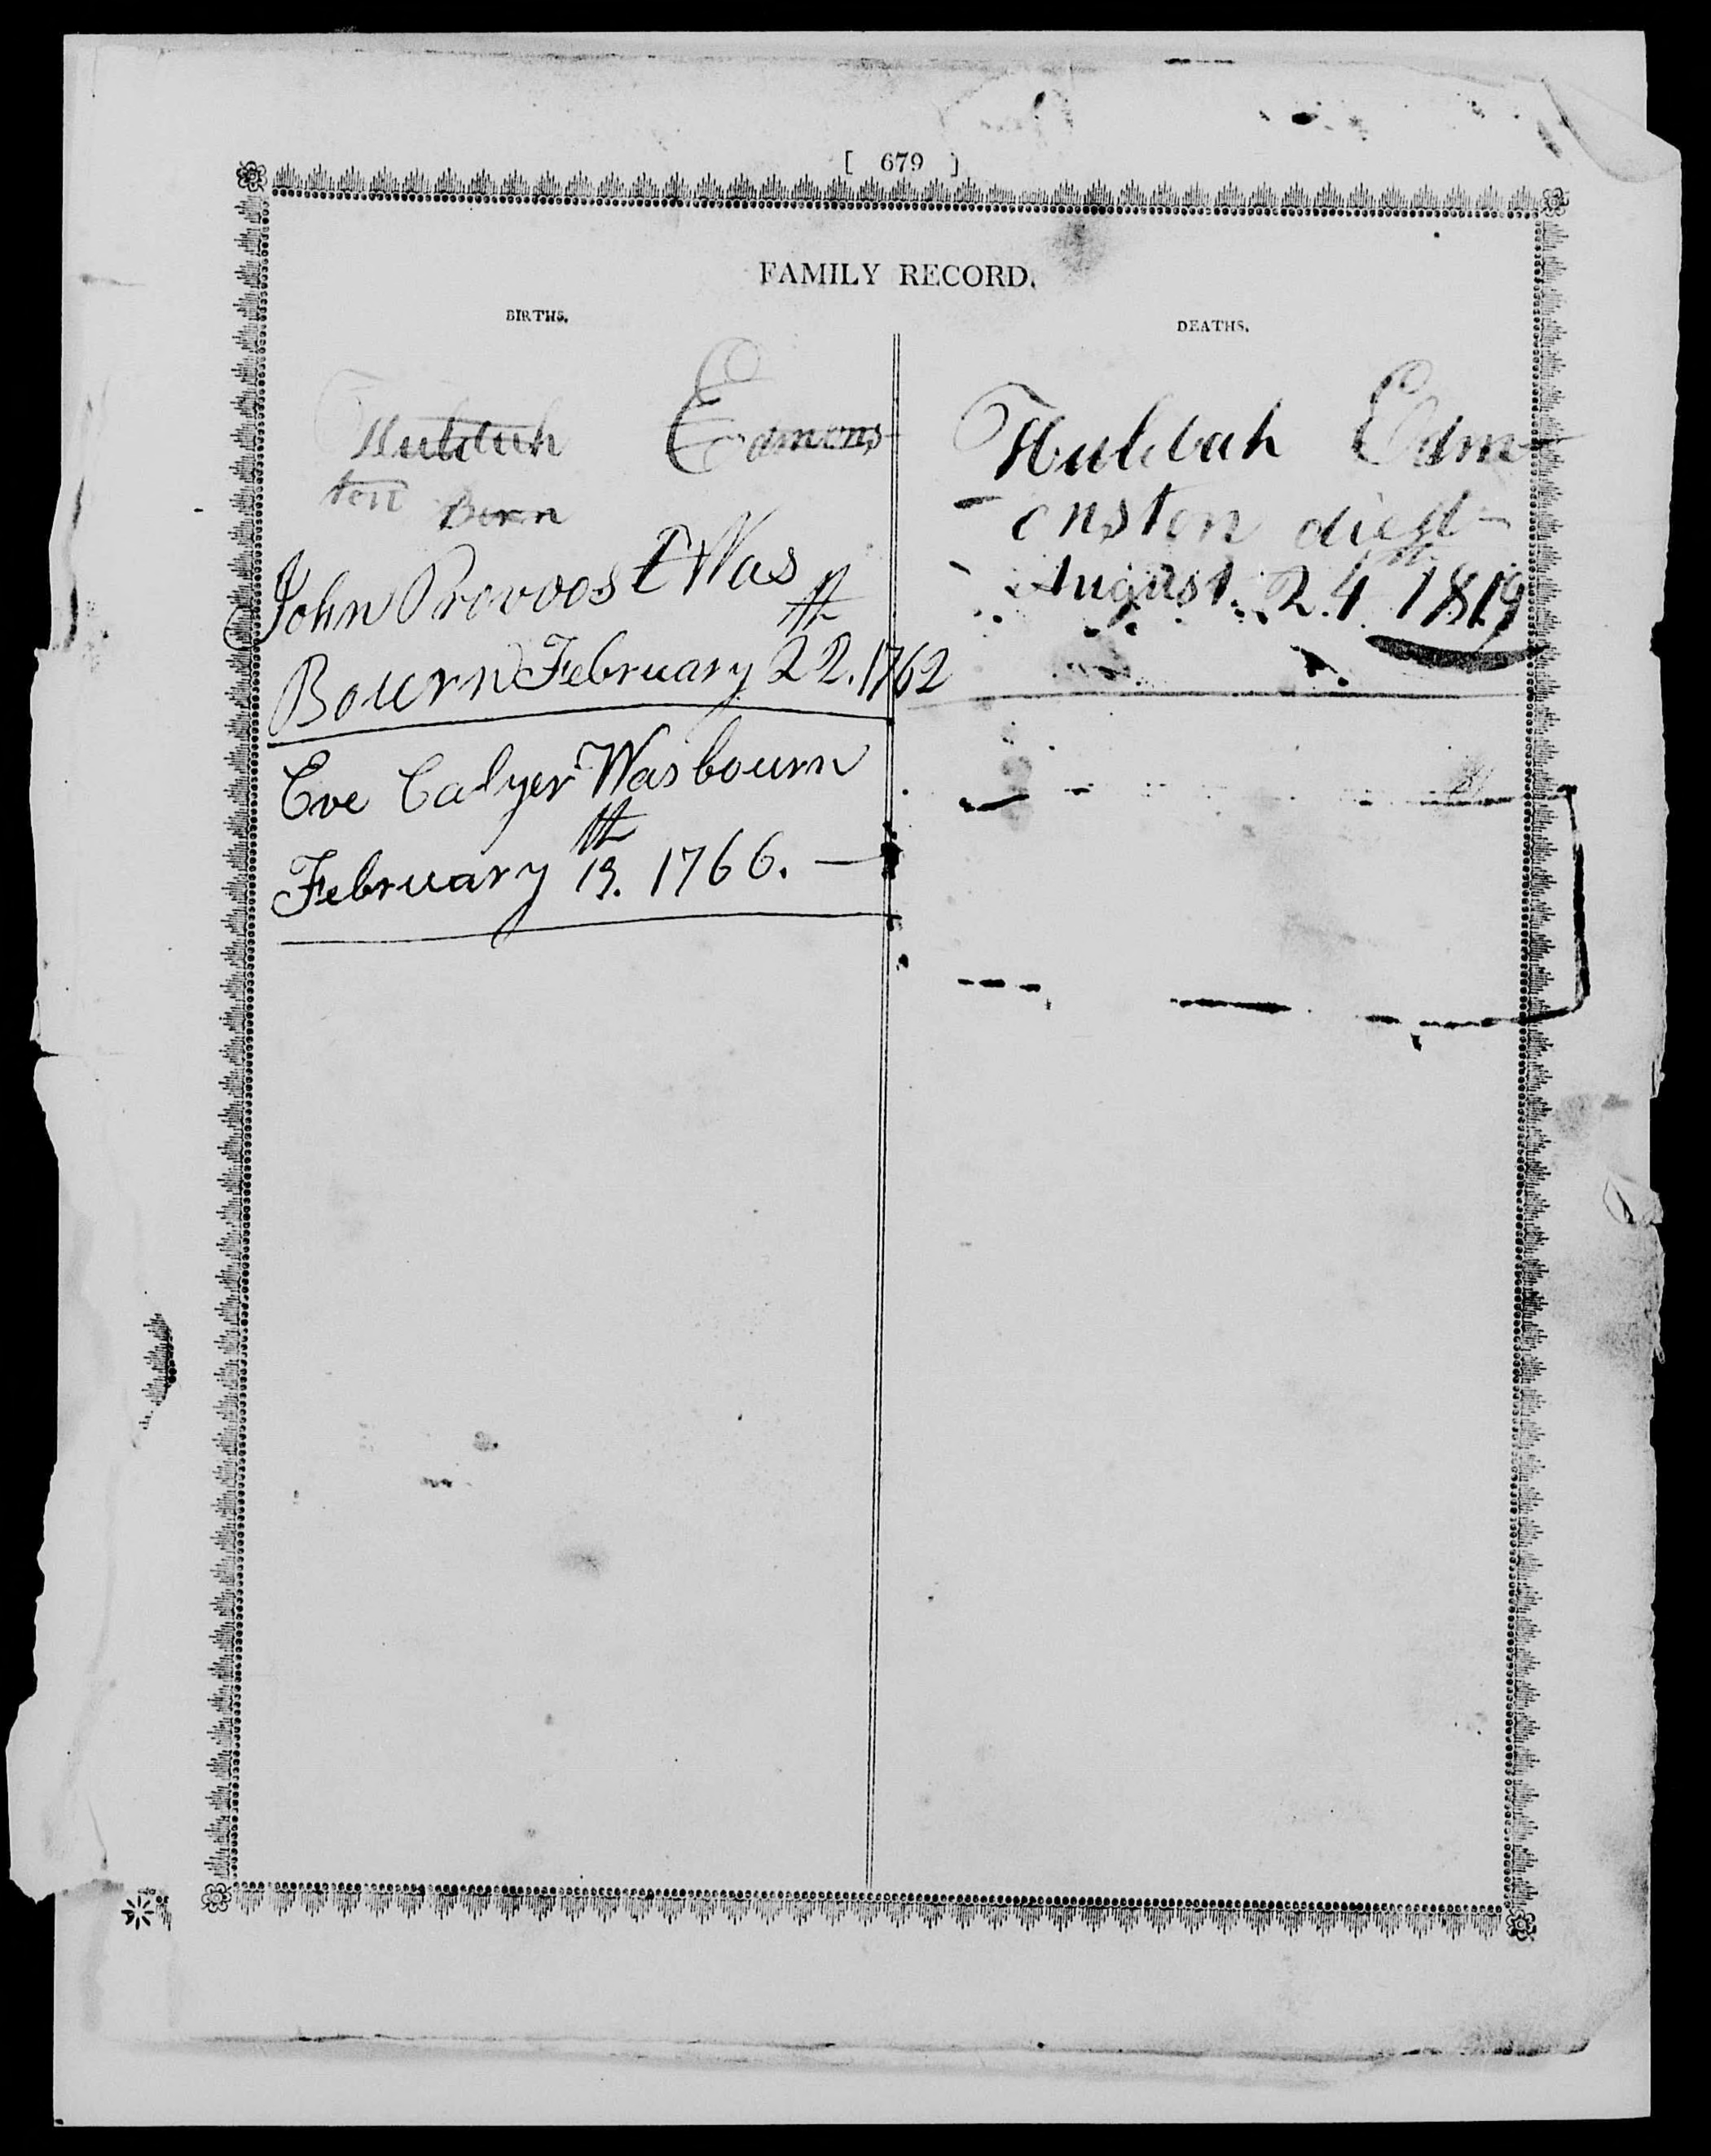John Provoost Was Bourn February 22th 1762 Eve Calyer Was bourn February 13th 1766. Hulibah Edmonston died August 24th 1819.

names: John Provoost; Eve Calyer; Huldah Edmonston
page: 2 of 19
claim: rejected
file: R. 8454, for John Provoost, New Jersey